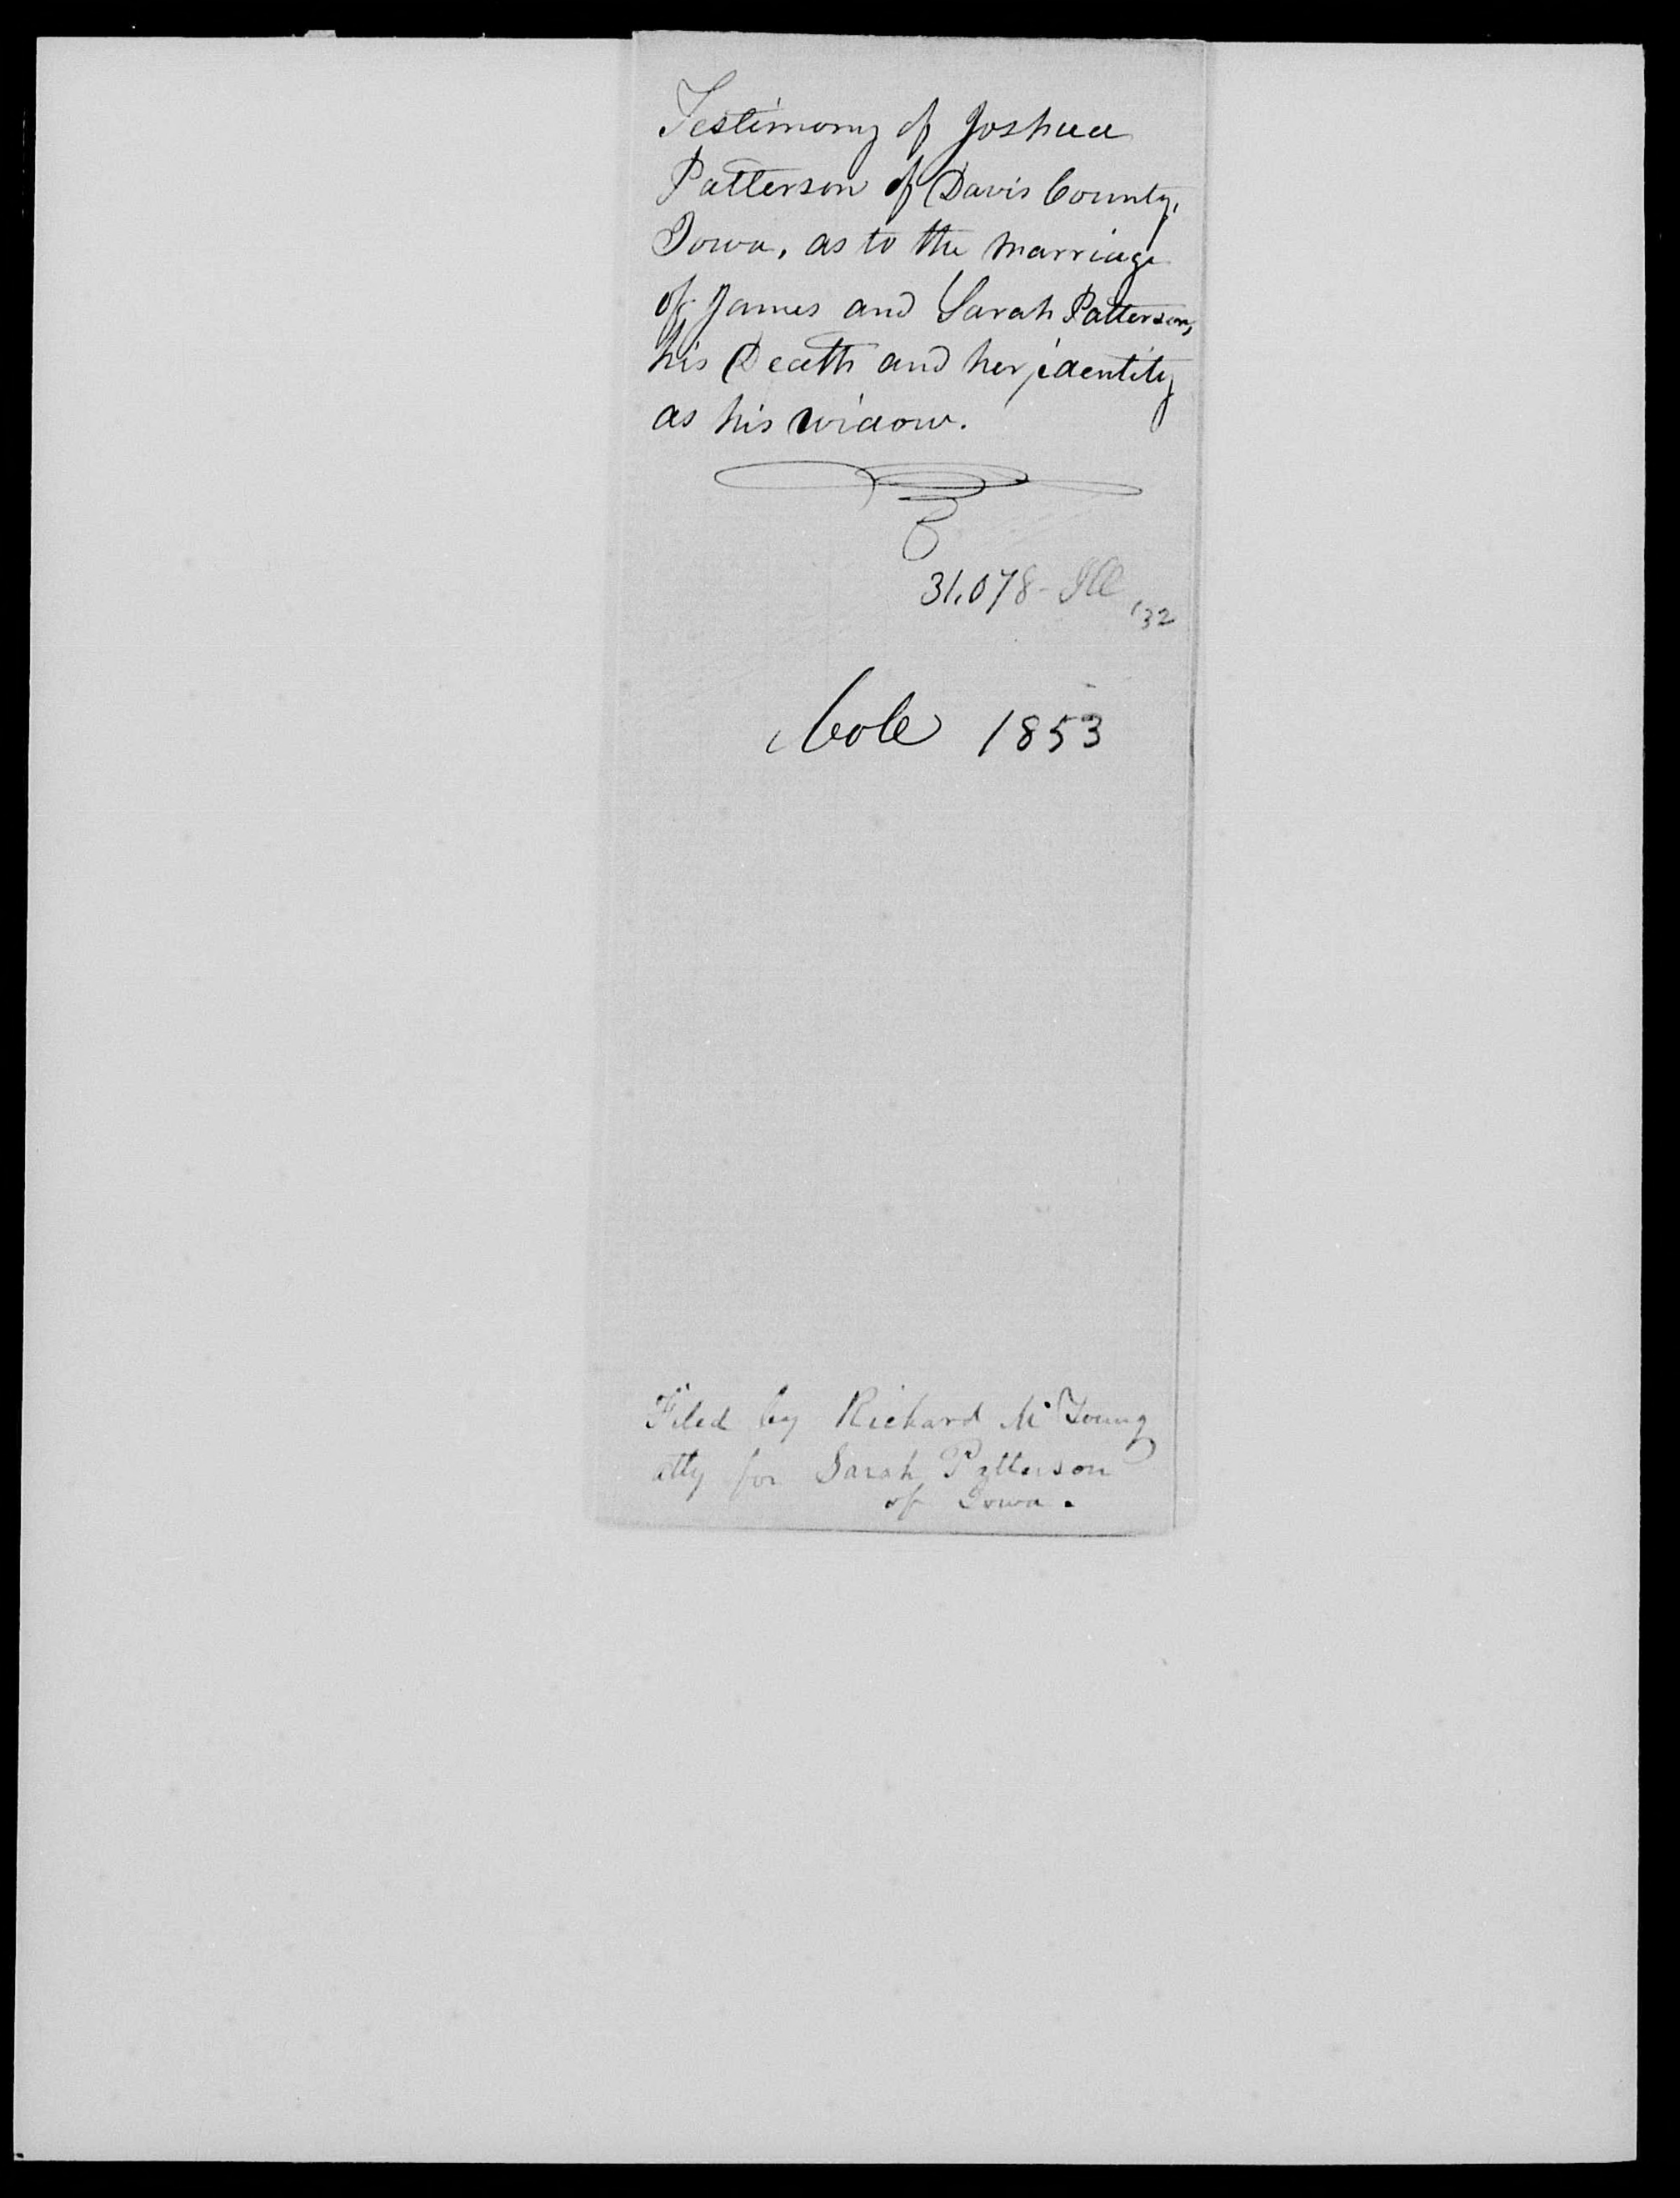Testimony of Joshua
Patterson of Davis County, 
Iowa, as to the marriage 
of James and Sarah Patterson,
his death and her identity 
as his widow.

31,078 - Ill 
‘32

Cole 1853

Filed by Richard M Young 
atty for Sarah Patterson 
of Iowa.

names: James Patterson; Joshua Patterson; Richard M Young; Sarah Patterson; [BLANK] Cole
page: 54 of 69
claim: widow's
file: W. 10861, for James Patterson, North Carolina